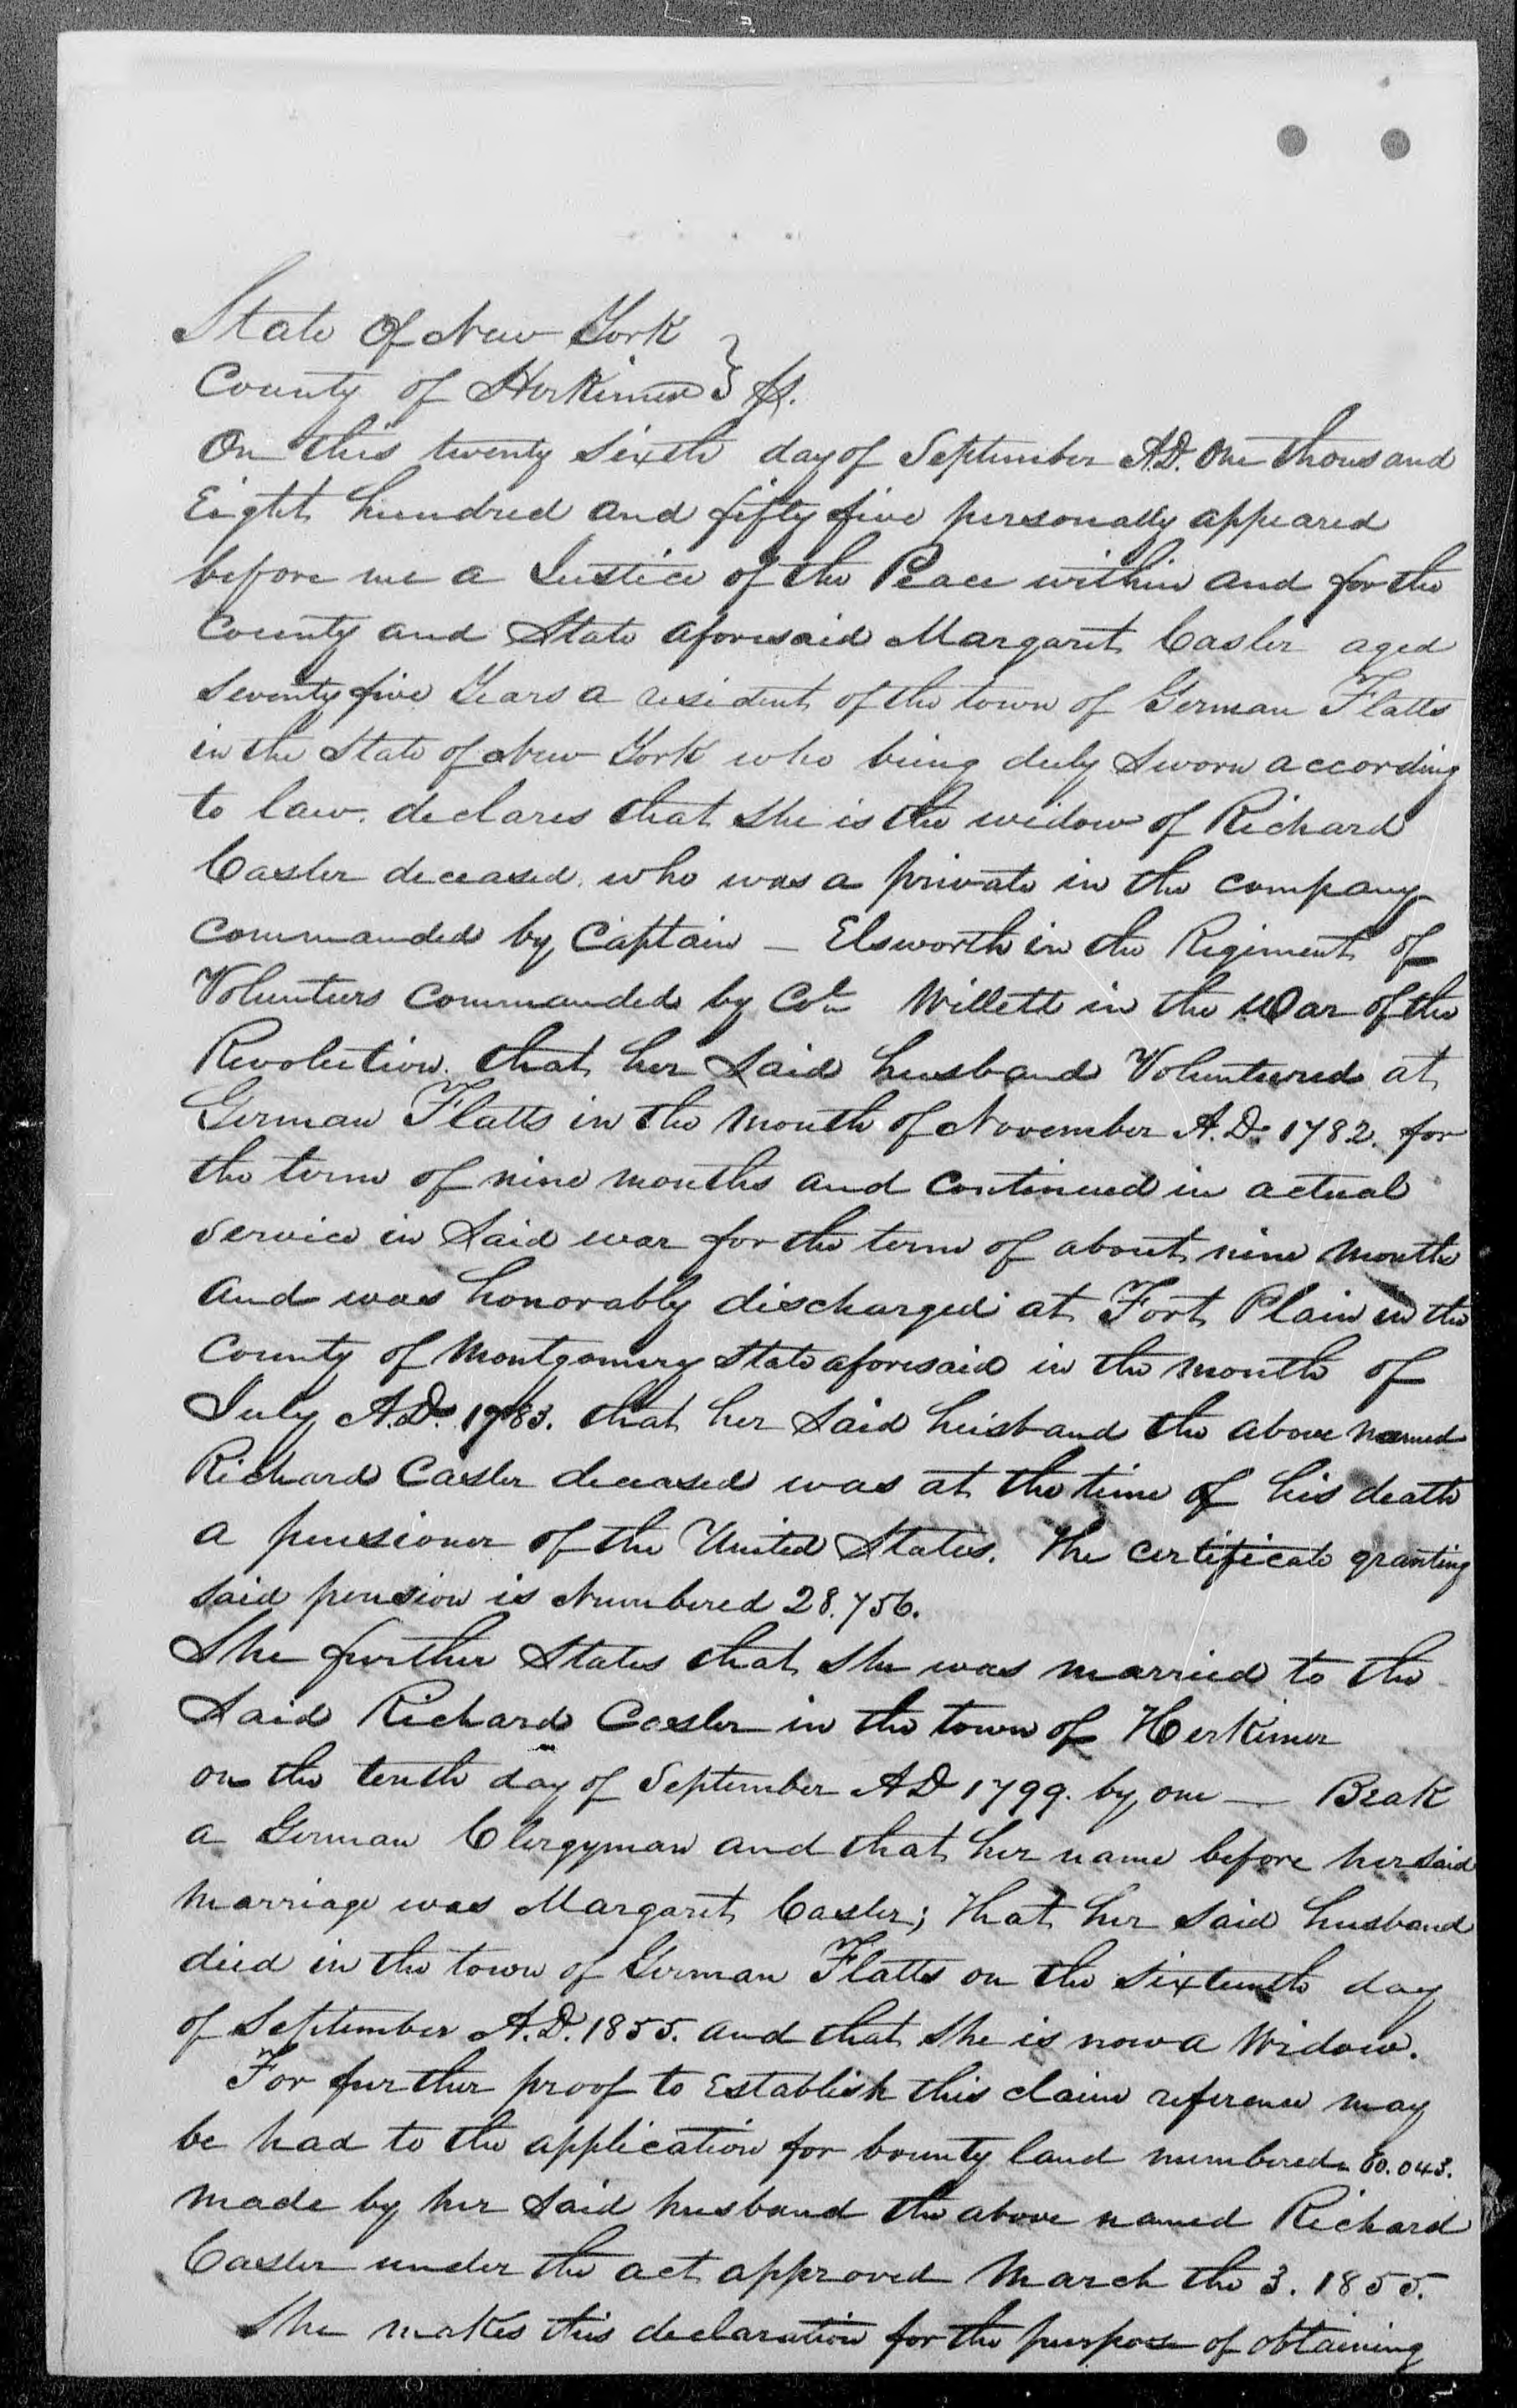State of New York 
County of Herkimer } ss.
On this twenty sixth day of September AD. one thousand eight hundred and fifty five personally appeared before me a Justice of the Peace within and for the county and State aforesaid Margaret Casler aged Seventy five years a resident of the town of German Flatts in the State of New York who being duly sworn according to law declares that she is the widow of Richard Casler deceased who was a private in the company commanded by Captain - Elsworth in the Regiment of Volunteers commanded by Col Willett in the War of the Revolution. that her said husband volunteered at German Flatts in the month of November A.D. 1782 for the term of nine months and continued in actual service in said war for the term of about nine months and was honorably discharged at Fort Plain in the County of Montgomery State aforesaid in the month of July A.D. 1783. that her said husband the above named Richard Casler deceased was at the time of his death a pensioner of the United States. The certificate granting said pension is numbered 28.756. 
She further states that she was married to the said Richard Casler in the town of Herkimer on the tenth day of September AD 1799 by one - Beak a German Clergyman and that her name before her said Marriage was Margaret Casler; that her said husband died in the town of German Flatts on the sixteenth day of September A.D. 1855. and that she is now a widow. 
For further proof to establish this claim reference may be had to the application for bounty land numbered 60.043 made by her said husband the above named Richard Casler under the act approved March the 3. 1855. 
She makes this declaration for the purpose of obtaining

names: Richard Casler, Margaret Casler, Richard Casler, Richard Casler, Willett, Margaret Casler, Richard Casler, Elsworth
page: 17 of 66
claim: widow's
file: W. 6637, Richard Caslar, New York